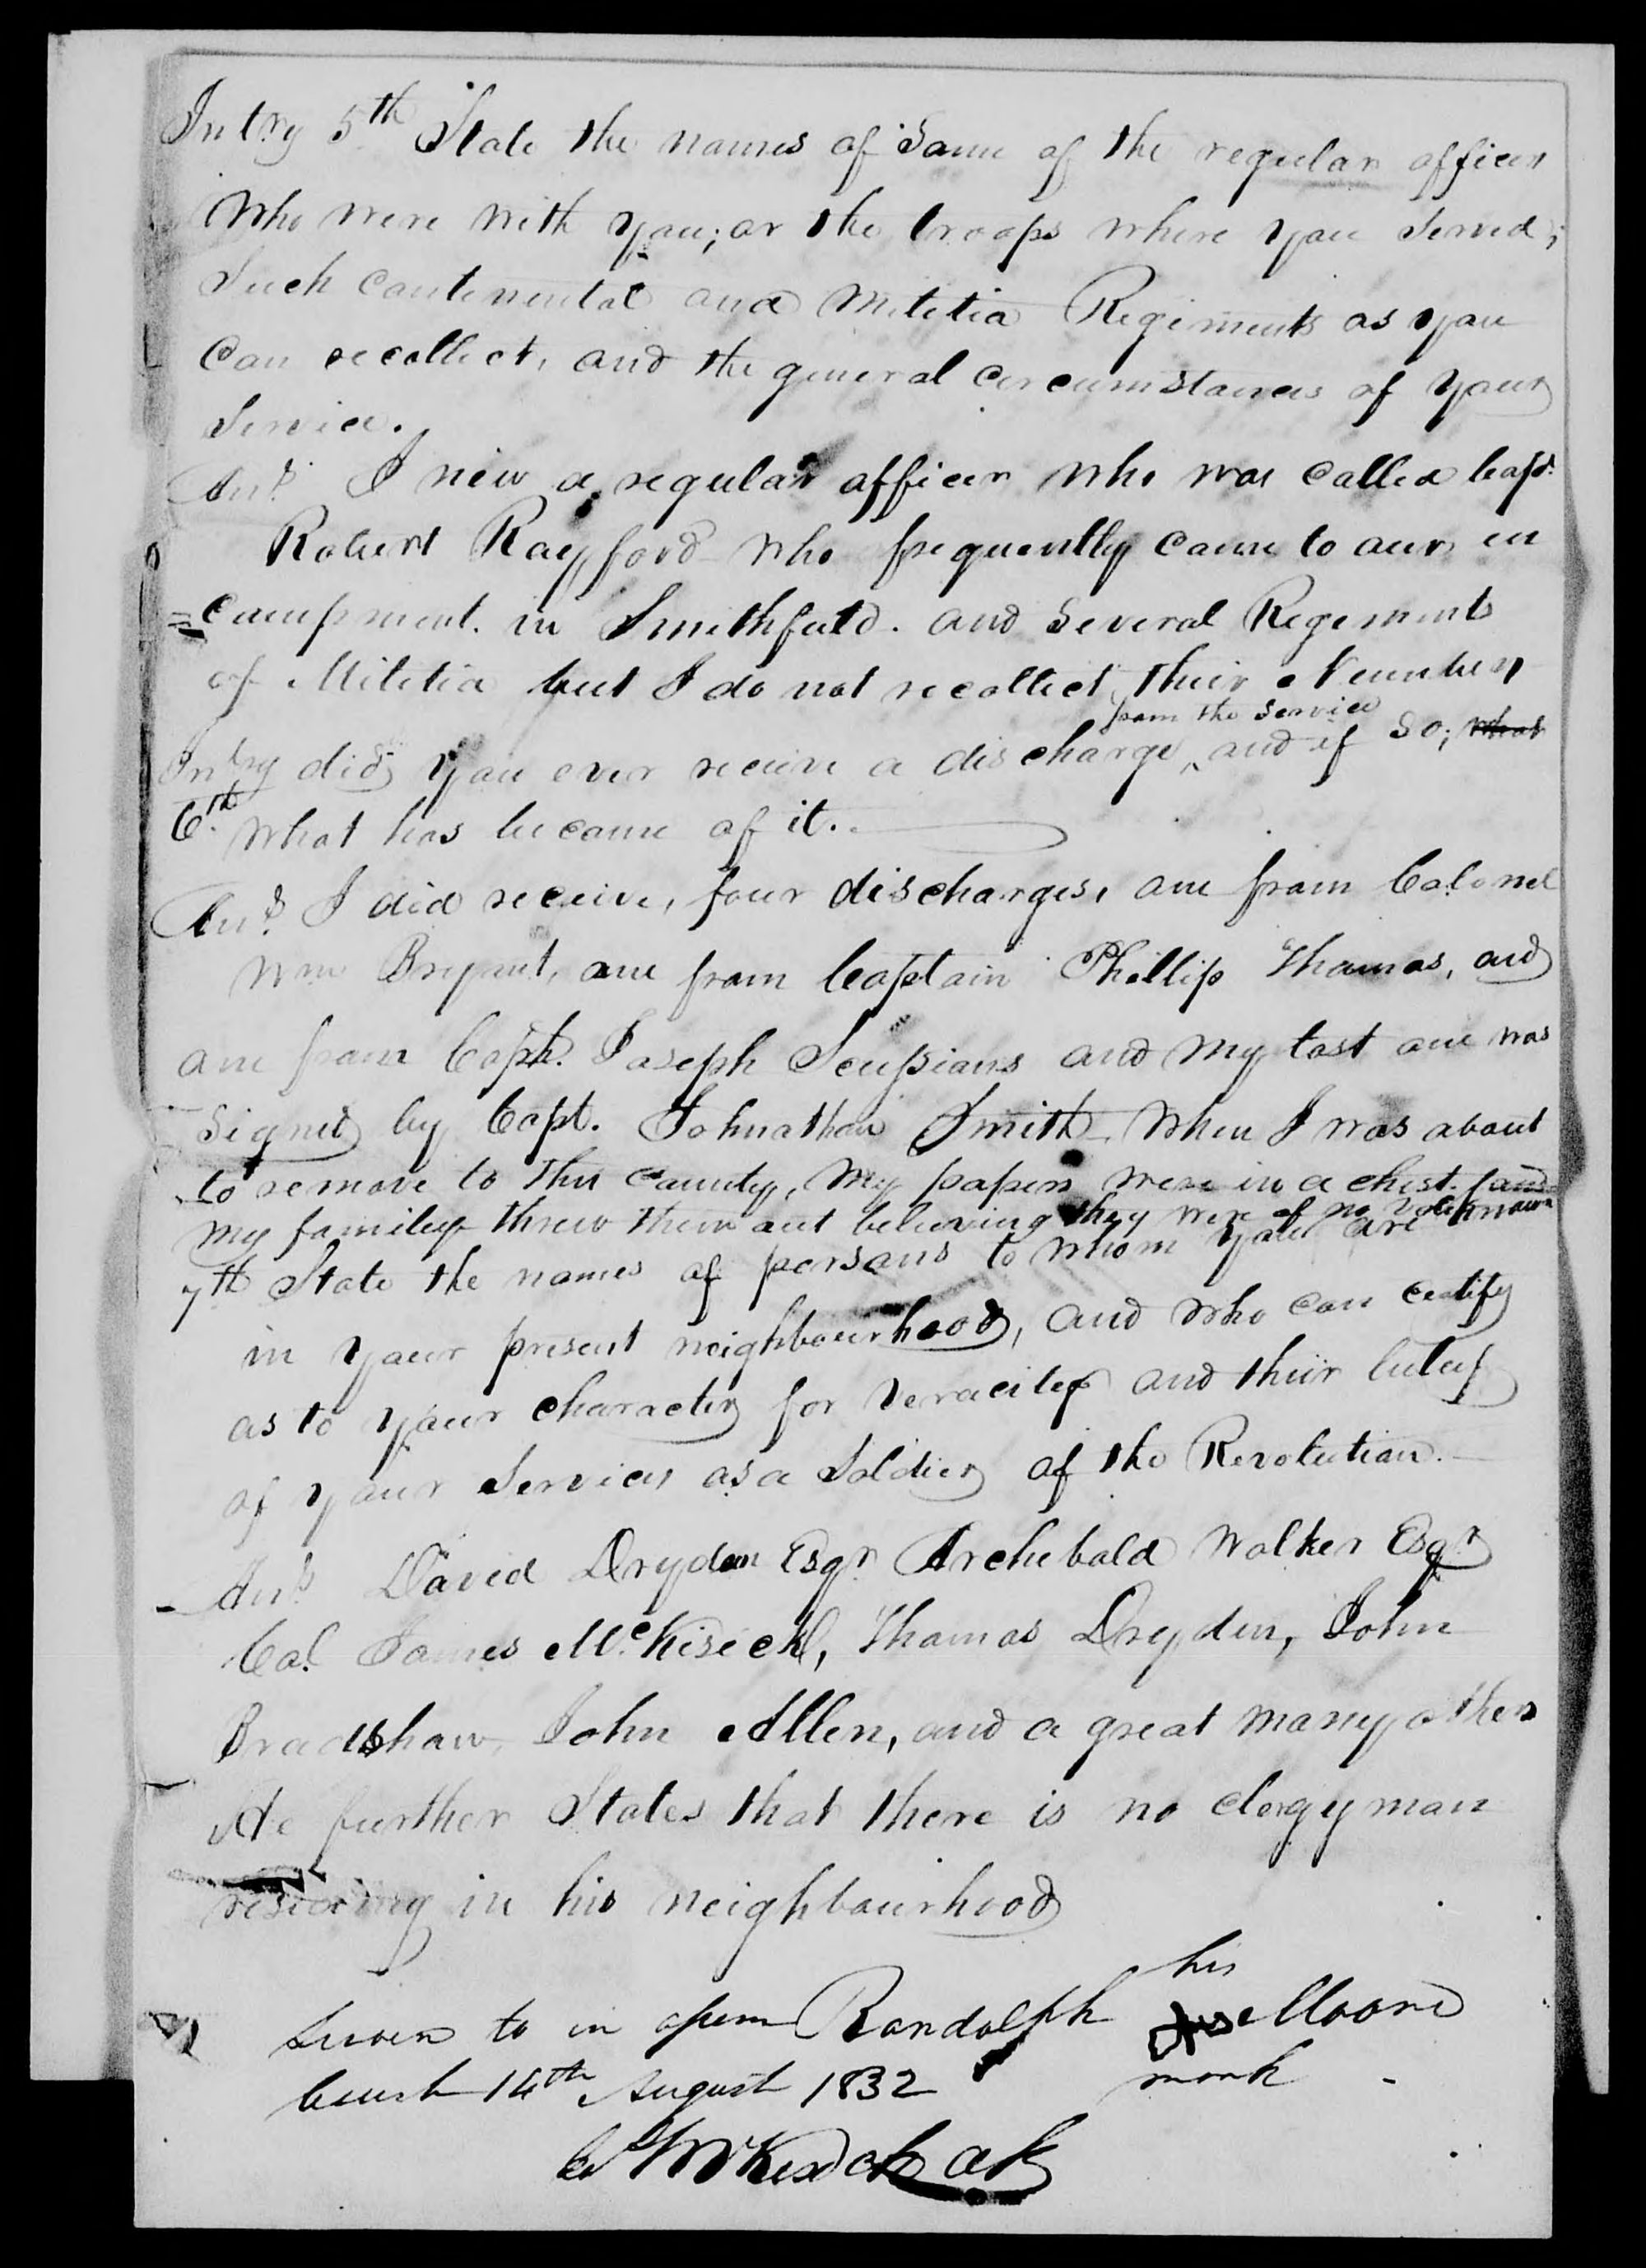Intrg. 5th State the names of some of the regular officers who were with you; or the troops where you served, such continental and militia Regiments as you can recollect, and the general circumstances of your serivce.
Ans. I new a regular officer who was called Capt. Robert Rayford who frequently came to our encampment in Smithfield and several Regiments of Militia but I do not recollect their numbers.
Intrg. 6th Did you ever recieve a discharge from the service and if so what has become of it?
Ans. I did receive four discharges, one from Colonel Wm. Bryant, one from Captain Phillip Thomas, and one from Capt. Joseph Scussians and my last one was signed by Capt. Johnathan Smith whe I was about to remove to this county, my papers were in a chest and my family threw them out believing they were of no note
7th State the names of persons to whom you are known in your present neighbourhood, and who can certify as to your character for veracity and their belief of your services as a soldier of the Revolution
Ans. David Dryden Esq'r. Archibald Walker Esq'r. Col. James McKisick, Thomas Dryden, John Bradshaw, John Allen and a good many others. He further states that there is no clergyman residing in his neighbourhood.
[Signature]
Randolph Moore X his mark
Sworn to in open Court 14th August 1832
[Signature]
Jas. McKisick Clk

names: Phillip Thomas; John Allen; Archibald Walker; Randolph Moore; John Bradshaw; Joseph Scussians; James Mc Kisick; Thomas Dryden; Robert Rayford; Wm Bryant; David Dryden; Johnathan Smith; Jas Mc Kisick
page: 9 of 33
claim: widow's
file: W. 52, for Randolph Moore, North Carolina